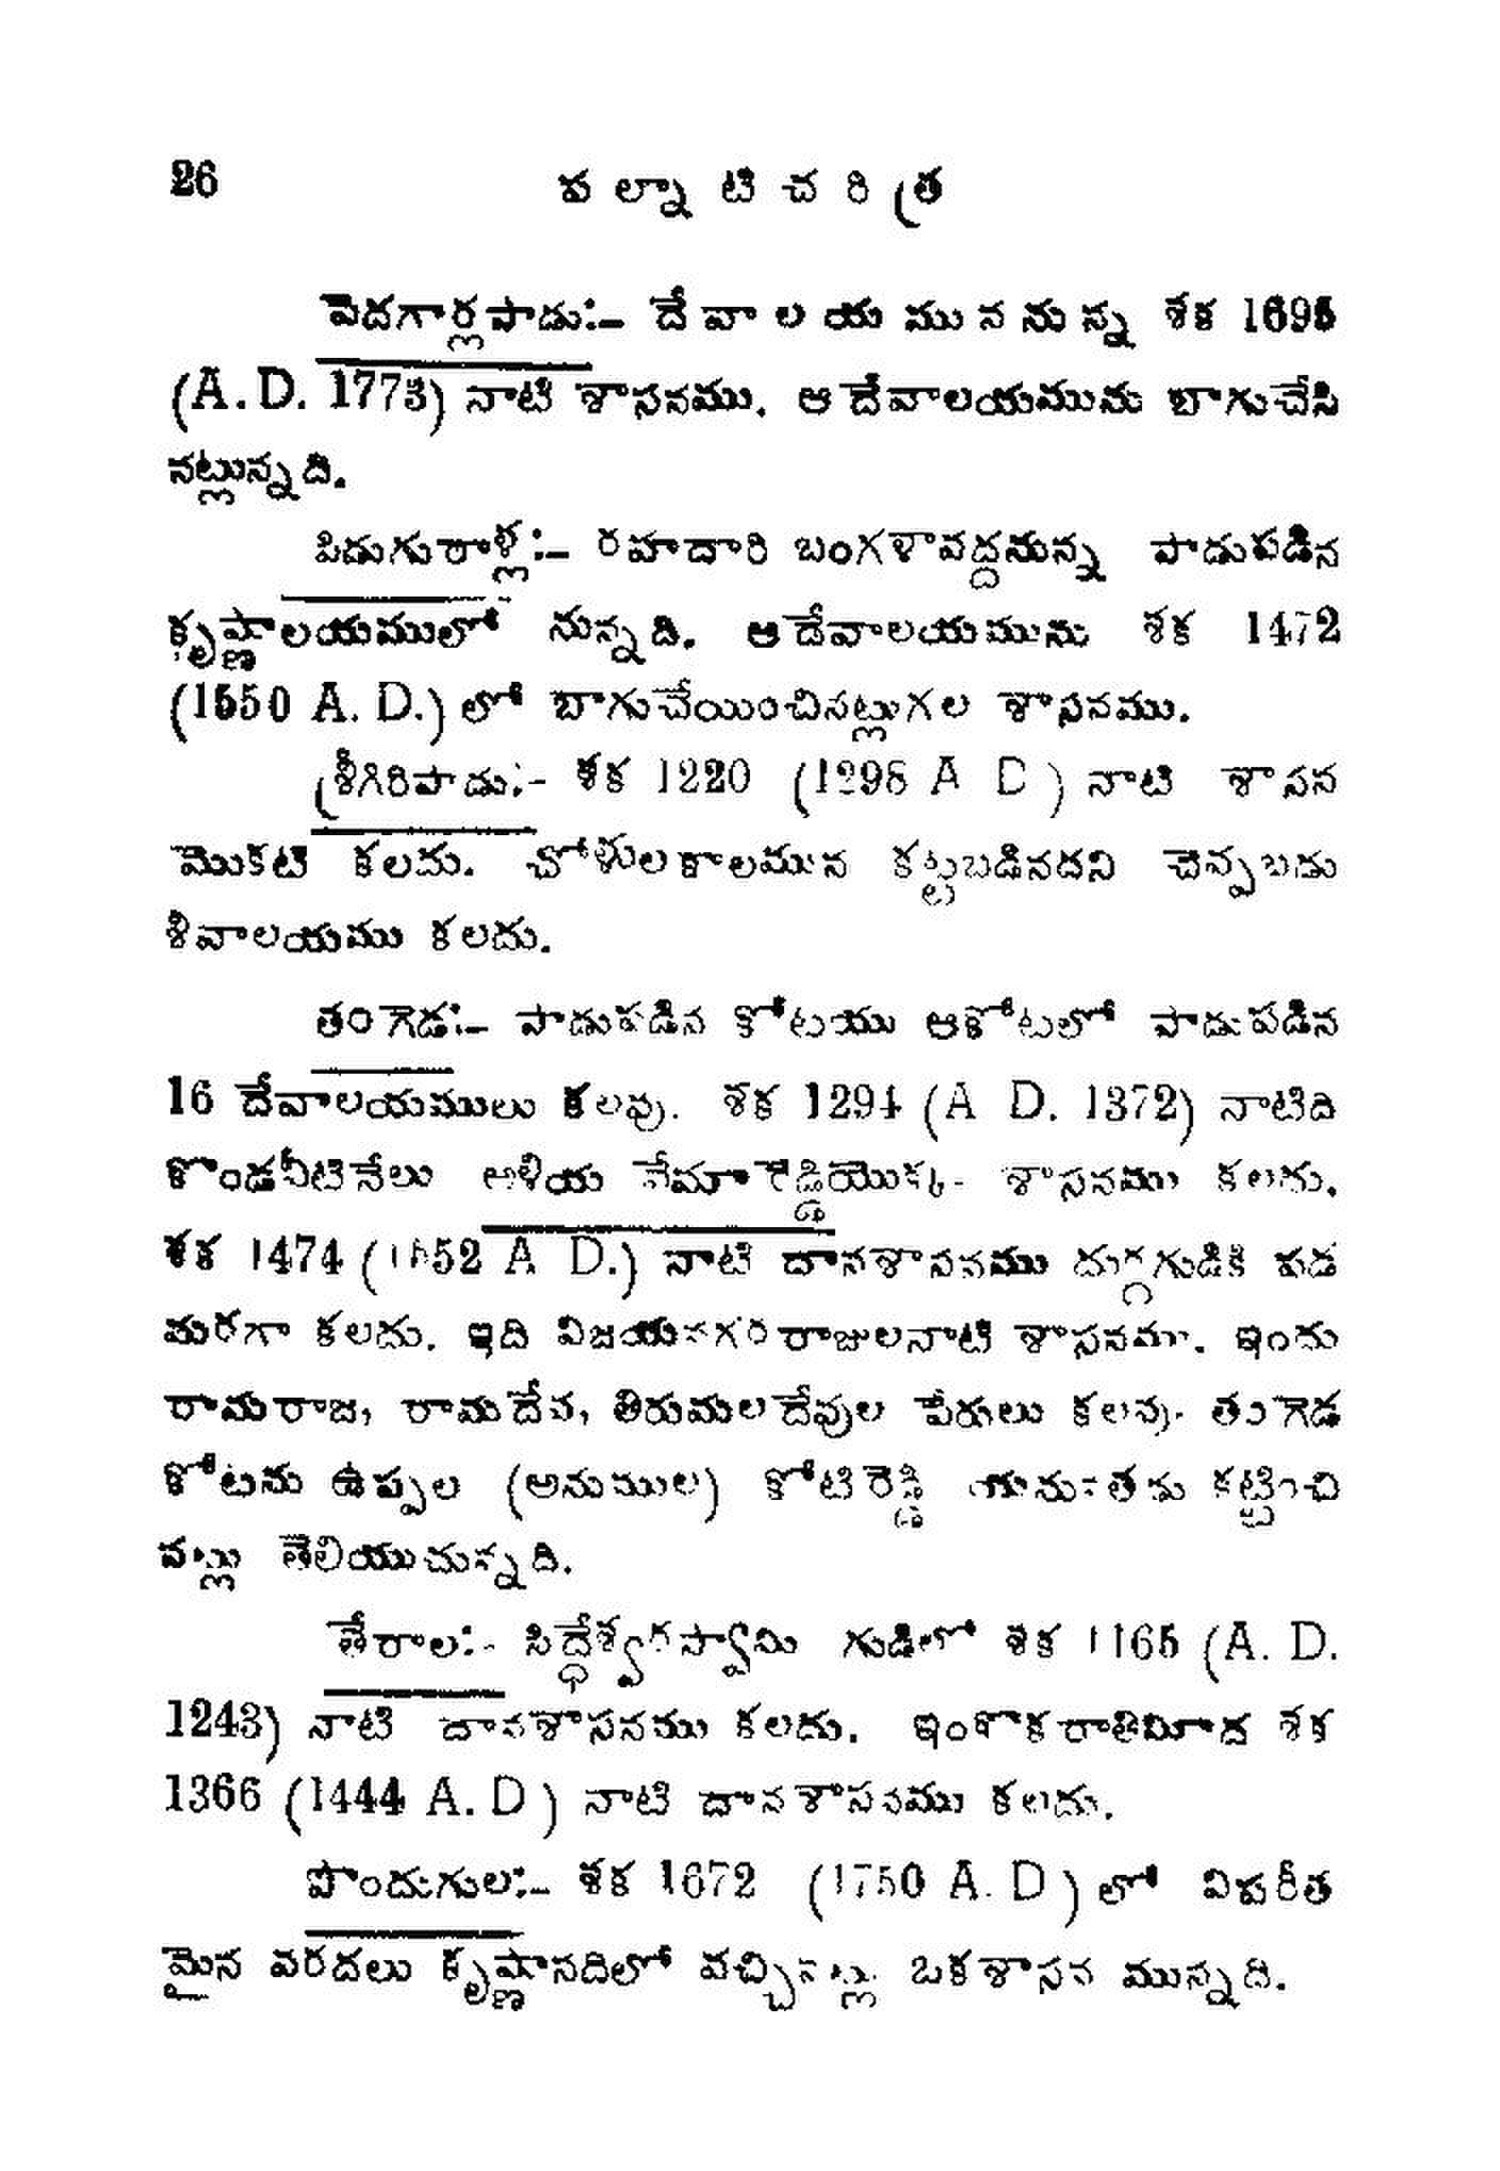పెదగార్లపాడు:- దేవాలయముననున్న శశ 1695 (A.D. 1773) నాటి శాసనము, 
ఆ దేవాలయమును బాగుచేసినట్లున్నది.

పిడుగురాళ్ల:- రహదారి బంగళావద్దనున్న పాడుపడిన కృష్ణాలయములో నున్నది. 
ఆదేవాలయమును శక 1472 (1550 A. D.) లో బాగు 
చేయించినట్లు గల శాసనము.

శ్రీగిరిపాడు:- శక 1220 (1298 A D) నాటి శాసన 
మొకటి కలదు. చోళుల కాలమున కట్టబడినదని చెప్పబడు
శివాలయము కలదు.

తంగెడః- పాడుపడిన కోటయు ఆకోటలో పాడుపడిన
16 దేవాలయములు కలవు. శక 1294 (A D. 1372) నాటిది
కొండవీటినేలు ఆళియ వేమారేడ్డియొక్క శాసనము కలదు.
శక 1474 ( 1552 A D.) నాటి దానశాసనము దుగ్గగుడికి 
పడమరగా కలదు. ఇది విజయనగర రాజులనాటి శాసనము. ఇందు
రామరాజ, రామదేవ, తిరుమల దేవుల పేరులు కలవు. తంగెడ
కోటను ఉప్పల (అనుముల) కోటిరెడ్డి యనునతకడు 
కట్టించినట్లు తెలియుచున్నది.

తేరాల:- సిద్ధేశ్వరస్వామి గుడిలో శక 1165 (A.D.
1243) నాటి దానశాసనము కలదు. ఇంకొకరాతిమీద శక
1366 (1444 A. D) నాటి దాన శాసనము కలదు.

పొందుగుల.. శక 1672 (1750 A.D) లో విపరీతమైన 
వరదలు కృష్ణానదిలో వచ్చినట్లు ఒకశాసన మున్నది.